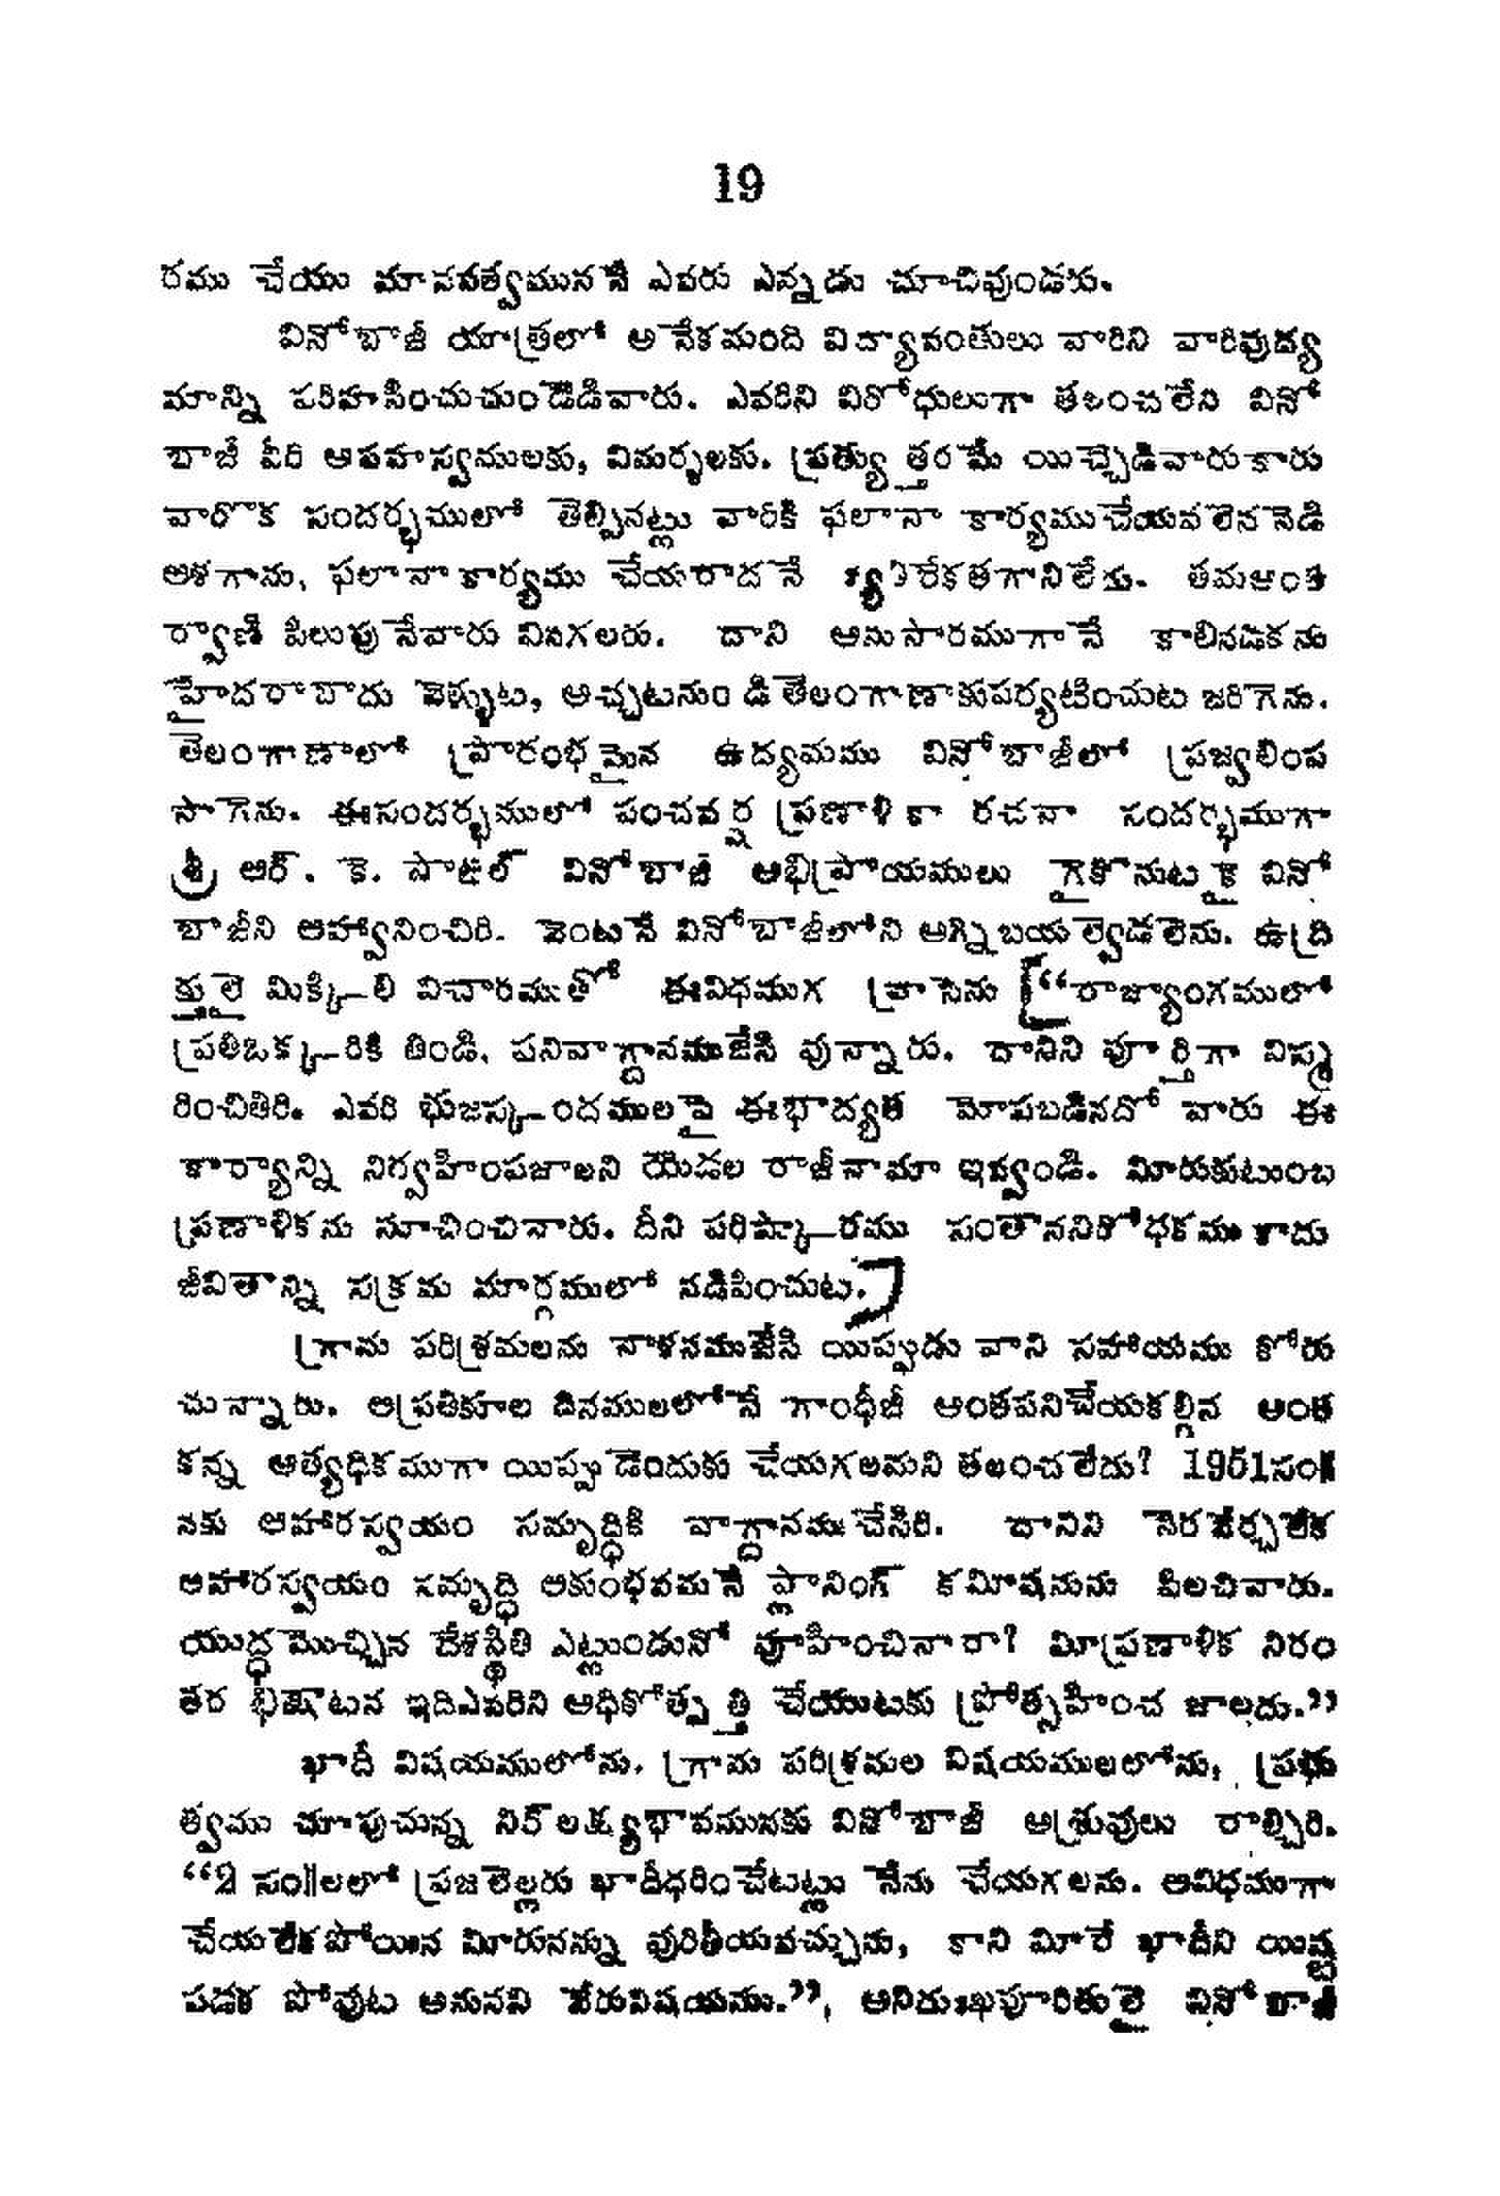రము చేయు మానవత్వముననే ఎవరు ఎన్నడు చూచివుండరు.

వినోబాజీ యాత్రలో అనేకమంది విద్యావంతులు వారిని వారివుద్యమాన్ని పరిహసించుచుండెడివారు. ఎవరిని విరోధులుగా తలంచలేని వినోబాజీ వీరి అపహస్యములకు, విమర్శలకు. ప్రత్యుత్తరమే యిచ్చెడివారు కారు వారొక సందర్భములో తెల్పినట్లు వారికి ఫలానా కార్యముచేయవలెననెడి ఆశగాను, ఫలానాకార్యము చేయరాదనే వ్యతిరేకతగానిలేదు. తమఅంతర్వాణి పిలుపునేవారు వినగలరు. దాని అనుసారముగానే కాలినడకను హైదరాబాదు వెళ్ళుట, అచ్చటనుండి తెలంగాణాకుపర్యటించుట జరిగెను. తెలంగాణలో ప్రారంభమైన ఉద్యమము వినోబాజీలో ప్రజ్వలింప సాగెను. ఈసందర్భములో పంచవర్ష ప్రణాళికా రచనా సందర్భముగా శ్రీ ఆర్. కె. పాటిల్ వినోబాజీ అభిప్రాయములు గైకొనుటకై వినోబాజీని ఆహ్వానించిరి. వెంటనే వినోబాజీలోని అగ్నిబయల్వెడలెను. ఉద్రిక్తులై మిక్కిలి విచారముతో ఈవిధముగ వ్రాసెను ["రాజ్యాంగములో ప్రతిఒక్కరికి తిండి, పనివాగ్దానముజేసి వున్నారు. దానిని పూర్తిగా విస్మరించితిరి. ఎవరి భుజస్కందముల పై ఈభాద్యత మోపబడినదో వారు ఈ కార్యాన్ని నిర్వహింపజాలని యెడల రాజీనామా ఇవ్వండి. మీరుకుటుంబ ప్రణాళికను సూచించినారు. దీని పరిష్కారము సంతాననిరోధకము కాదు జీవితాన్ని సక్రమ మార్గములో నడిపించుట.]

గ్రామ పరిశ్రమలను నాశనముజేసి యిప్పుడు వాని సహాయము కోరుచున్నారు. ఆప్రతికూల దినములలోనే గాంధీజీ అంతపనిచేయకల్గిన అంతకన్న అత్యధికముగా యిప్పుడెందుకు చేయగలమని తలంచలేదు? 1951 సం|| సకు ఆహారస్వయం సమృద్ధికి వాగ్దానము చేసిరి. దానిని నెరవేర్చలేక ఆహారస్వయం సమృద్ధి అకుంభవమనే ప్లానింగ్ కమీషసును పిలచివారు. యుద్దమొచ్చిన దేశస్థితి ఎట్లుండునో పూహించినారా? మీప్రణాళిక నిరంతర భిక్షాటన ఇదిఎవరిని అధికోత్పత్తి చేయుటకు ప్రోత్సహించ జాలదు."

ఖాదీ విషయములోను. గ్రామ పరిశ్రమల విషయములలోను, , ప్రభుత్వము చూపుచున్న నిర్‌లక్ష్యభావమునకు వినోబాజీ ఆశ్రువులు రాల్చిరి. "2 సం||లలో ప్రజలెల్లరు ఖాదీదరించేటట్లు నేను చేయగలను. ఆవిధముగా చేయలేకపోయిన మీరునన్ను వురితీయవచ్చును, కాని మీరే ఖాదీని యిష్టపడక పోవుట అనునని వేరువిషయము.”, అనిదుఃఖపూరితులై వినోబాజీ